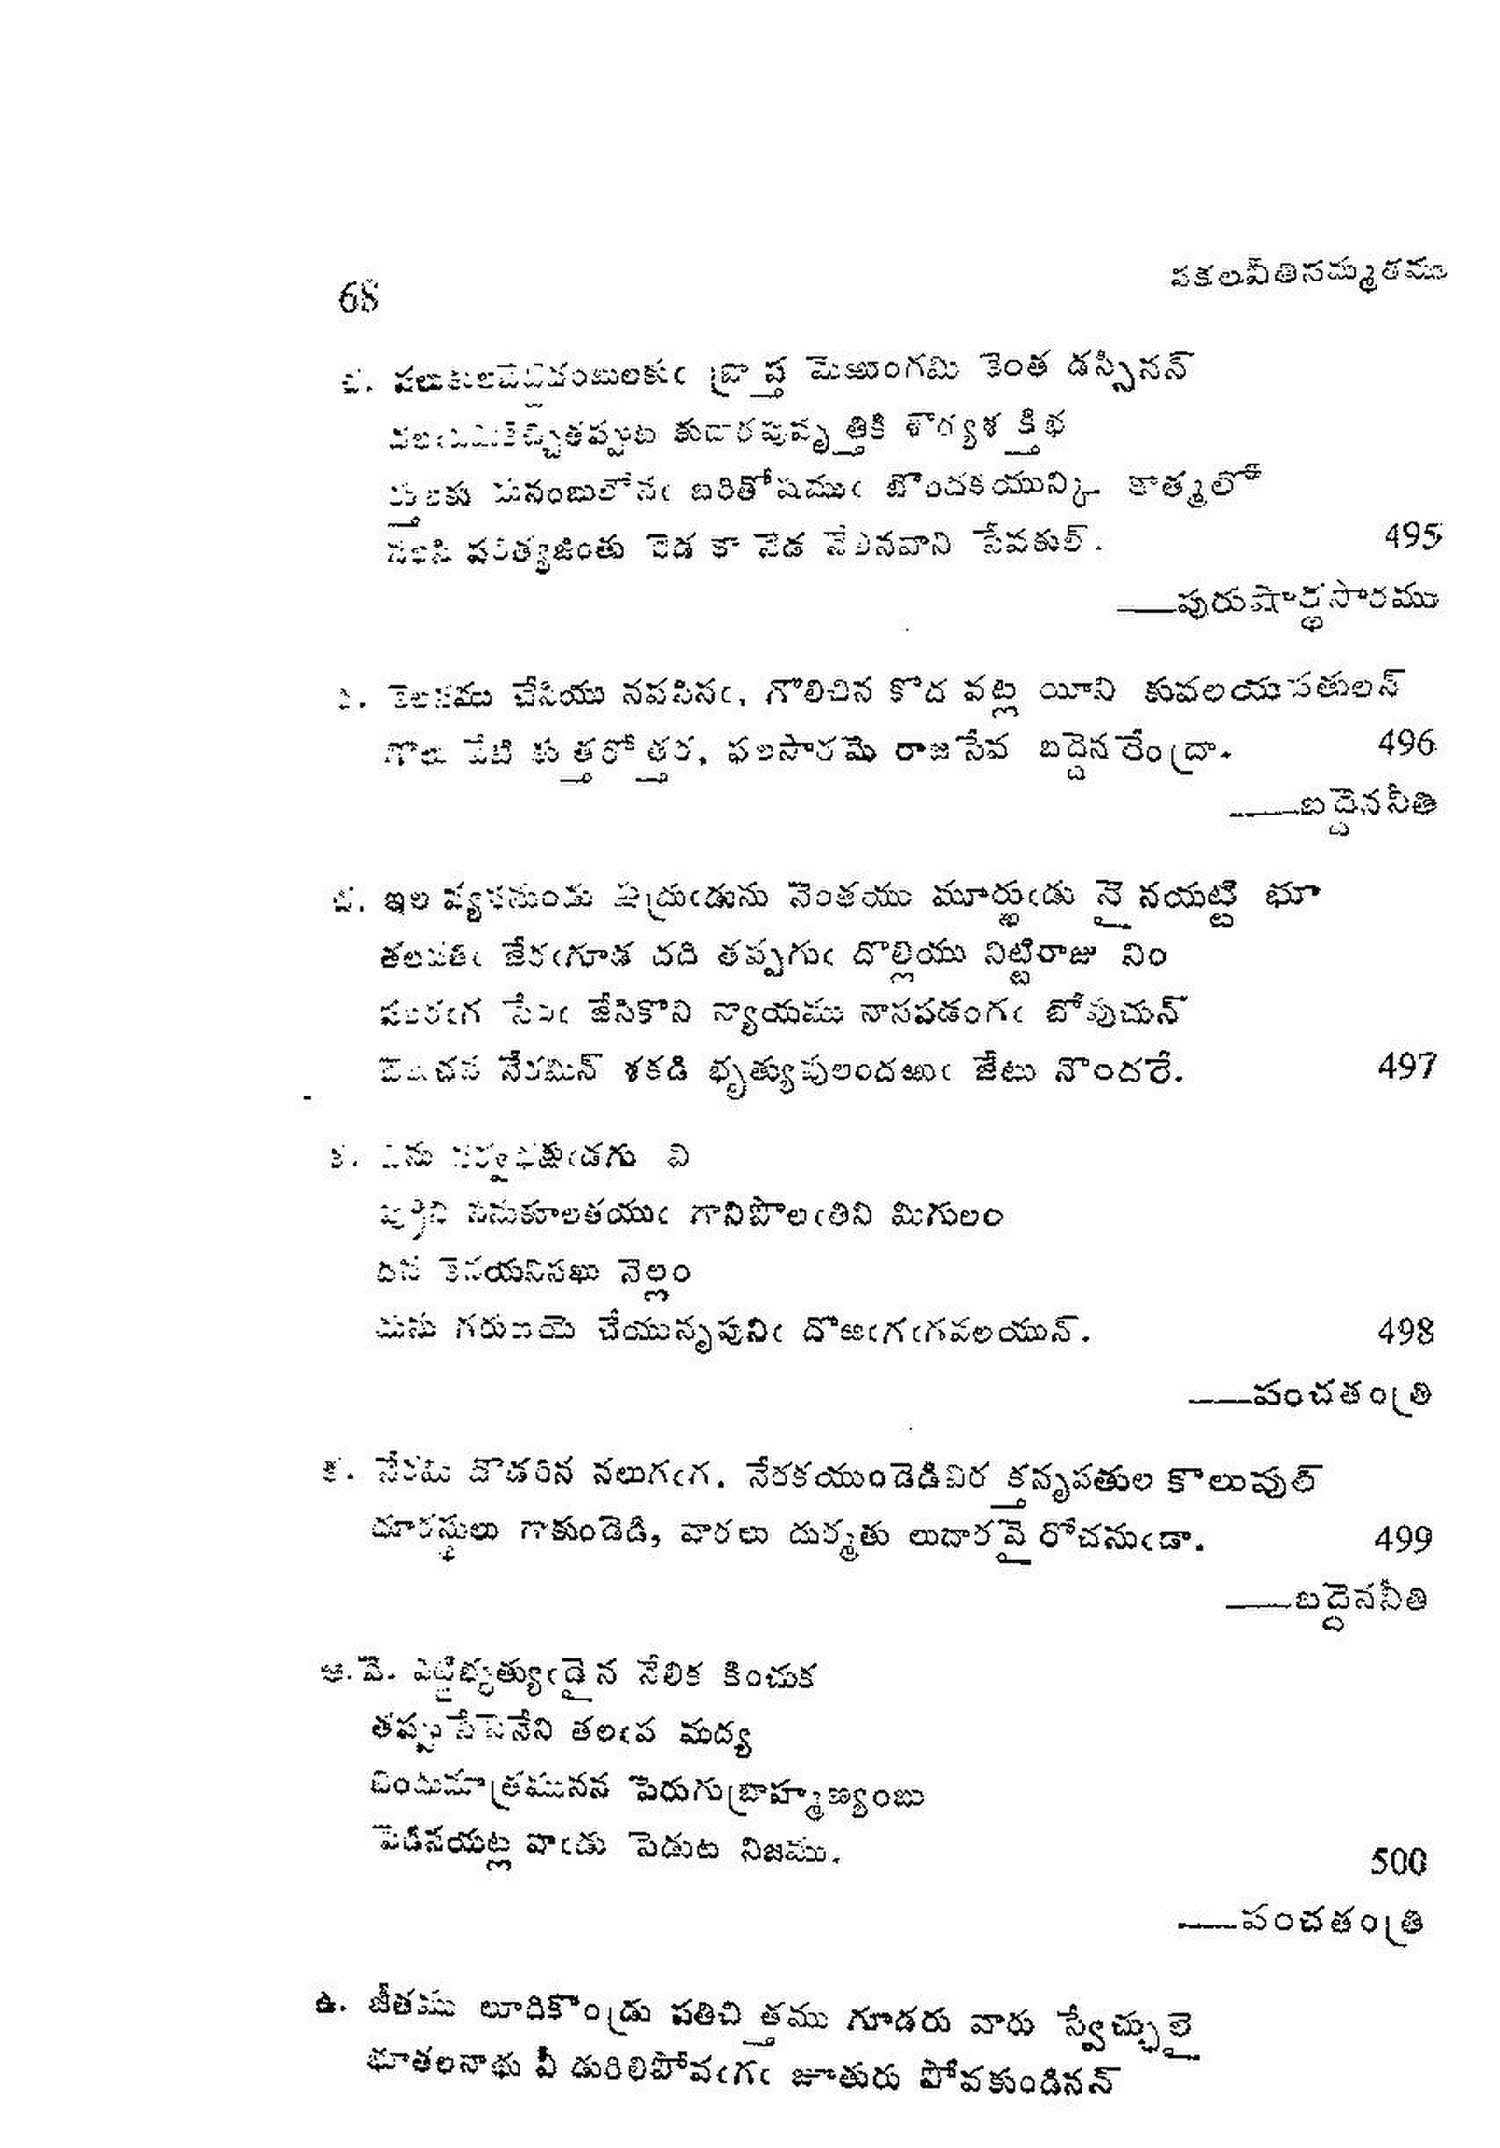చ. పలుకుల బెట్టిదంబులకుఁ బ్రాప్త మెఱుంగమి కెంత డస్సినన్
దలఁపమి కిచ్చి తప్పుట కుదారపువృత్తికి శౌర్యశక్తిభ
క్తులకు మనంబులోనఁ బరితోషముఁ బొందకయున్కి కాత్మలో
నలసి పరిత్యజింతు రెడ కా నెడ నేలినవాని సేవకుల్. 495

క. కెలసము చేసియు నవసినఁ
గొలిచిన కొద వట్ల యీని కువలయపతులన్
గొలు వేటి కుత్తరోత్తర
ఫలసారమె రాజసేవ బద్దెనరేంద్రా. 496

చ. ఇల వ్యసనుండు క్షుద్రుఁడును నెంతయు మూర్ఖుఁడు నైనయట్టి భూ
తలపతిఁ జేరఁగూడ దది తప్పగుఁ దొల్లియు నిట్టిరాజు నిం
పలరఁగ సేవఁ జేసికొని న్యాయము నాసపడంగఁ బోవుచున్
బెలుచన నేరమిన్ శకడి భృత్యువులందఱుఁ జేటు నొందరే. 497

క. విను సర్వభక్షుఁడగు వి
ప్రుని ననుకూలతయుఁ గాని పొలఁతిని మిగులం
దన కెనయని సఖు లెల్లం
దును గరుణయె చేయు నృపునిఁ దొఱఁగఁగవలయున్. 498

క. నేరమి దొడరిన నలుగఁగ
నేరకయుండెడి విరక్తనృపతుల కొలువుల్
దూరస్థులు గాకుండెడి
వారలు దుర్మతు లుదారవైరోచనుఁడా. 499

ఆ. ఎట్టిభృత్యుఁడైన నేలిక కించుక
తప్పు సేసెనేని తలఁప మద్య
బిందుమాత్రమునన పెరుగు బ్రాహ్మణ్యంబు
సెడినయట్ల వాఁడు సెడుట నిజము. 500

ఉ. జీతము లూదికొండ్రు పతిచిత్తము గూడరు వారు స్వేచ్ఛులై
భూతలనాథు వీ డురిలిపోవఁగఁ డూతురు పోవకుండినన్